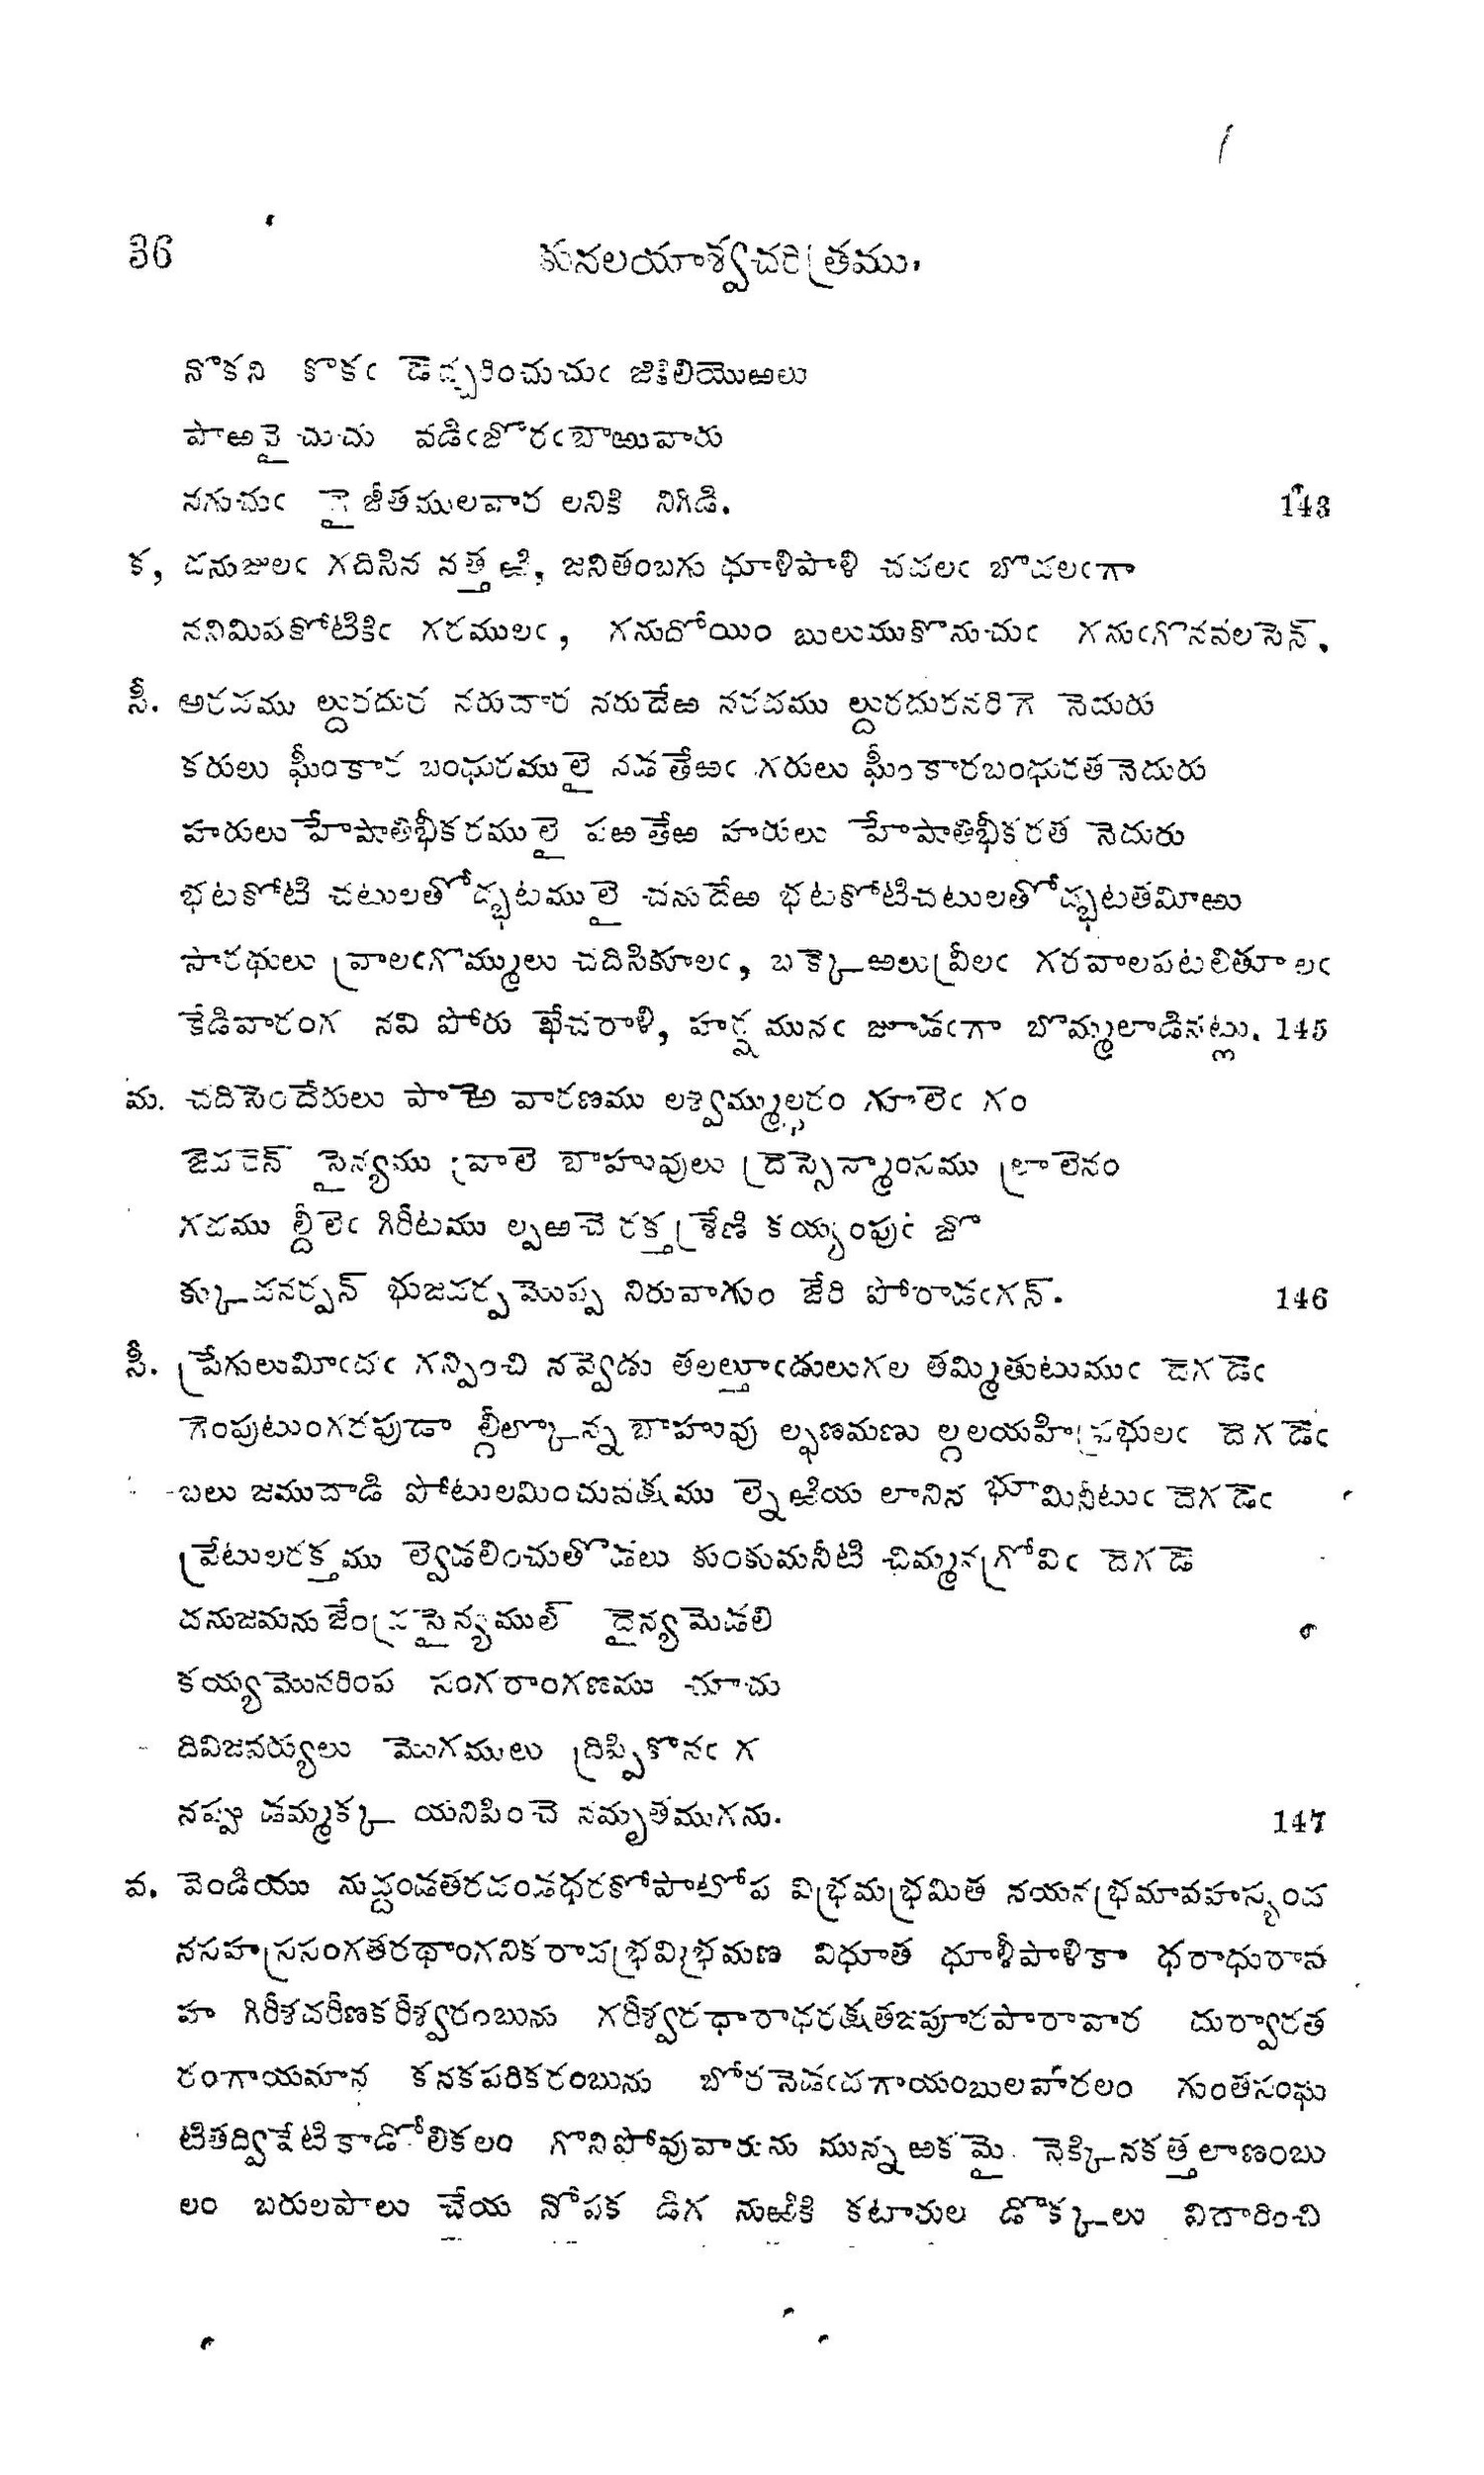నొకని కొకఁ డెచ్చరించుచుఁ జికిలియొఱలు
పాఱవైచుచు వడిఁజొరఁబాఱువారు
నగుచుఁ గైజీతములవార లనికి నిగిడి.
క. దనుజులఁ గదిసిన నత్తఱి, జనితంబగు ధూళిపాళి చదలఁ బొదలఁగా
ననిమిషకోటికిఁ గరములఁ, గనుదోయిం బులుముకొనుచుఁ గనుఁగొనవలసెన్.
సీ. అరదము ల్దురదుర నరుచార నరుదేఱ నరదము ల్దురదుర నరిగె నెదురు
కరులు ఘీంకారబంధురములై నడతేఱఁ గరులు ఘీంకారబంధురత నెదురు
హరులు హేషాతిభీకరము లై పఱతేఱ హరులు హేషాతిభీకరత నెదురు
భటకోటి చటులతోద్భటములై చనుదేఱ భటకోటి చటులతోద్భటత మీఱు
సారథులు వ్రాలఁగొమ్ములు చదిసికూలఁ, బక్కెఱలు వ్రీలఁ గరవాలపటలి తూలఁ
కేడి వారంగ నవి పోరు ఖేచరాళి, హర్షమునఁ జూడఁగా బొమ్మలాడినట్లు.
మ. చదిసెం దేరులు పాఱె వారణము లశ్వమ్ము ల్ధరం గూలెఁ గం
జెదకెన్ సైన్యము వ్రాలె బాహువులు ద్రెస్సె న్మాంసము ల్రాలె నం
గదము ల్దీలెఁ గిరీటము ల్పఱచె రక్తశ్రేణి కయ్యంపుఁజొ
క్కు దనర్పన్ భుజదర్ప మొప్ప నిరువాగుం జేరి పోరాడఁగన్.
సీ. ప్రేగులుమీఁదఁ గన్పించి నవ్వెడు తలల్తూఁడులుగల తమ్మితుటుముఁ దెగడెఁ
గెంపుటుంగరపుడా ల్గీల్కొన్నబాహువు ల్ఫణమణు ల్గలయహిప్రభులఁ దెగడెఁ
బలు జముదాడి పోటులమించువక్షము ల్నెఱియ లానిన భూమినీటుఁ దెగడెఁ
వ్రేటులరక్తము ల్వెడలించుతొడలు కుంకుమనీటి చిమ్మనగ్రోవిఁ దెగడెఁ
దనుజమనుజేంద్రసైన్యముల్ దైన్య మెడలి, కయ్య మొనరింప సంగరాంగణము చూచు
దివిజవర్యులు మొగములు ద్రిప్పికొనఁగ, నప్పు డమ్మక్క యనిపించె నమృతముగను.
వ. వెండియు నుద్దండతరదండధరకోపాటోపవిభ్రమభ్రమితనయనభ్రమావహస్యంద
నసహస్రసంగతరథాంగనికరాదభ్రవిభ్రమణవిధూతధూళీపాళికాధరాధురావ
హగిరీశచరణకరీశ్వరంబును గరీశ్వరధారాధరక్షతజపూరపారావారదుర్వాగత
రంగాయమానకనకపరికరంబును బోరనెడఁదగాయంబులవారలం గుంతసంఘ
టితద్విపేటికాడోలికలం గొనిపోవువారును మున్నఱకమై నెక్కినకత్తలాణంబు
లంబరులపాలు చేయనోపక డిగ నుఱికి కటారుల డొక్కలు విదారించి